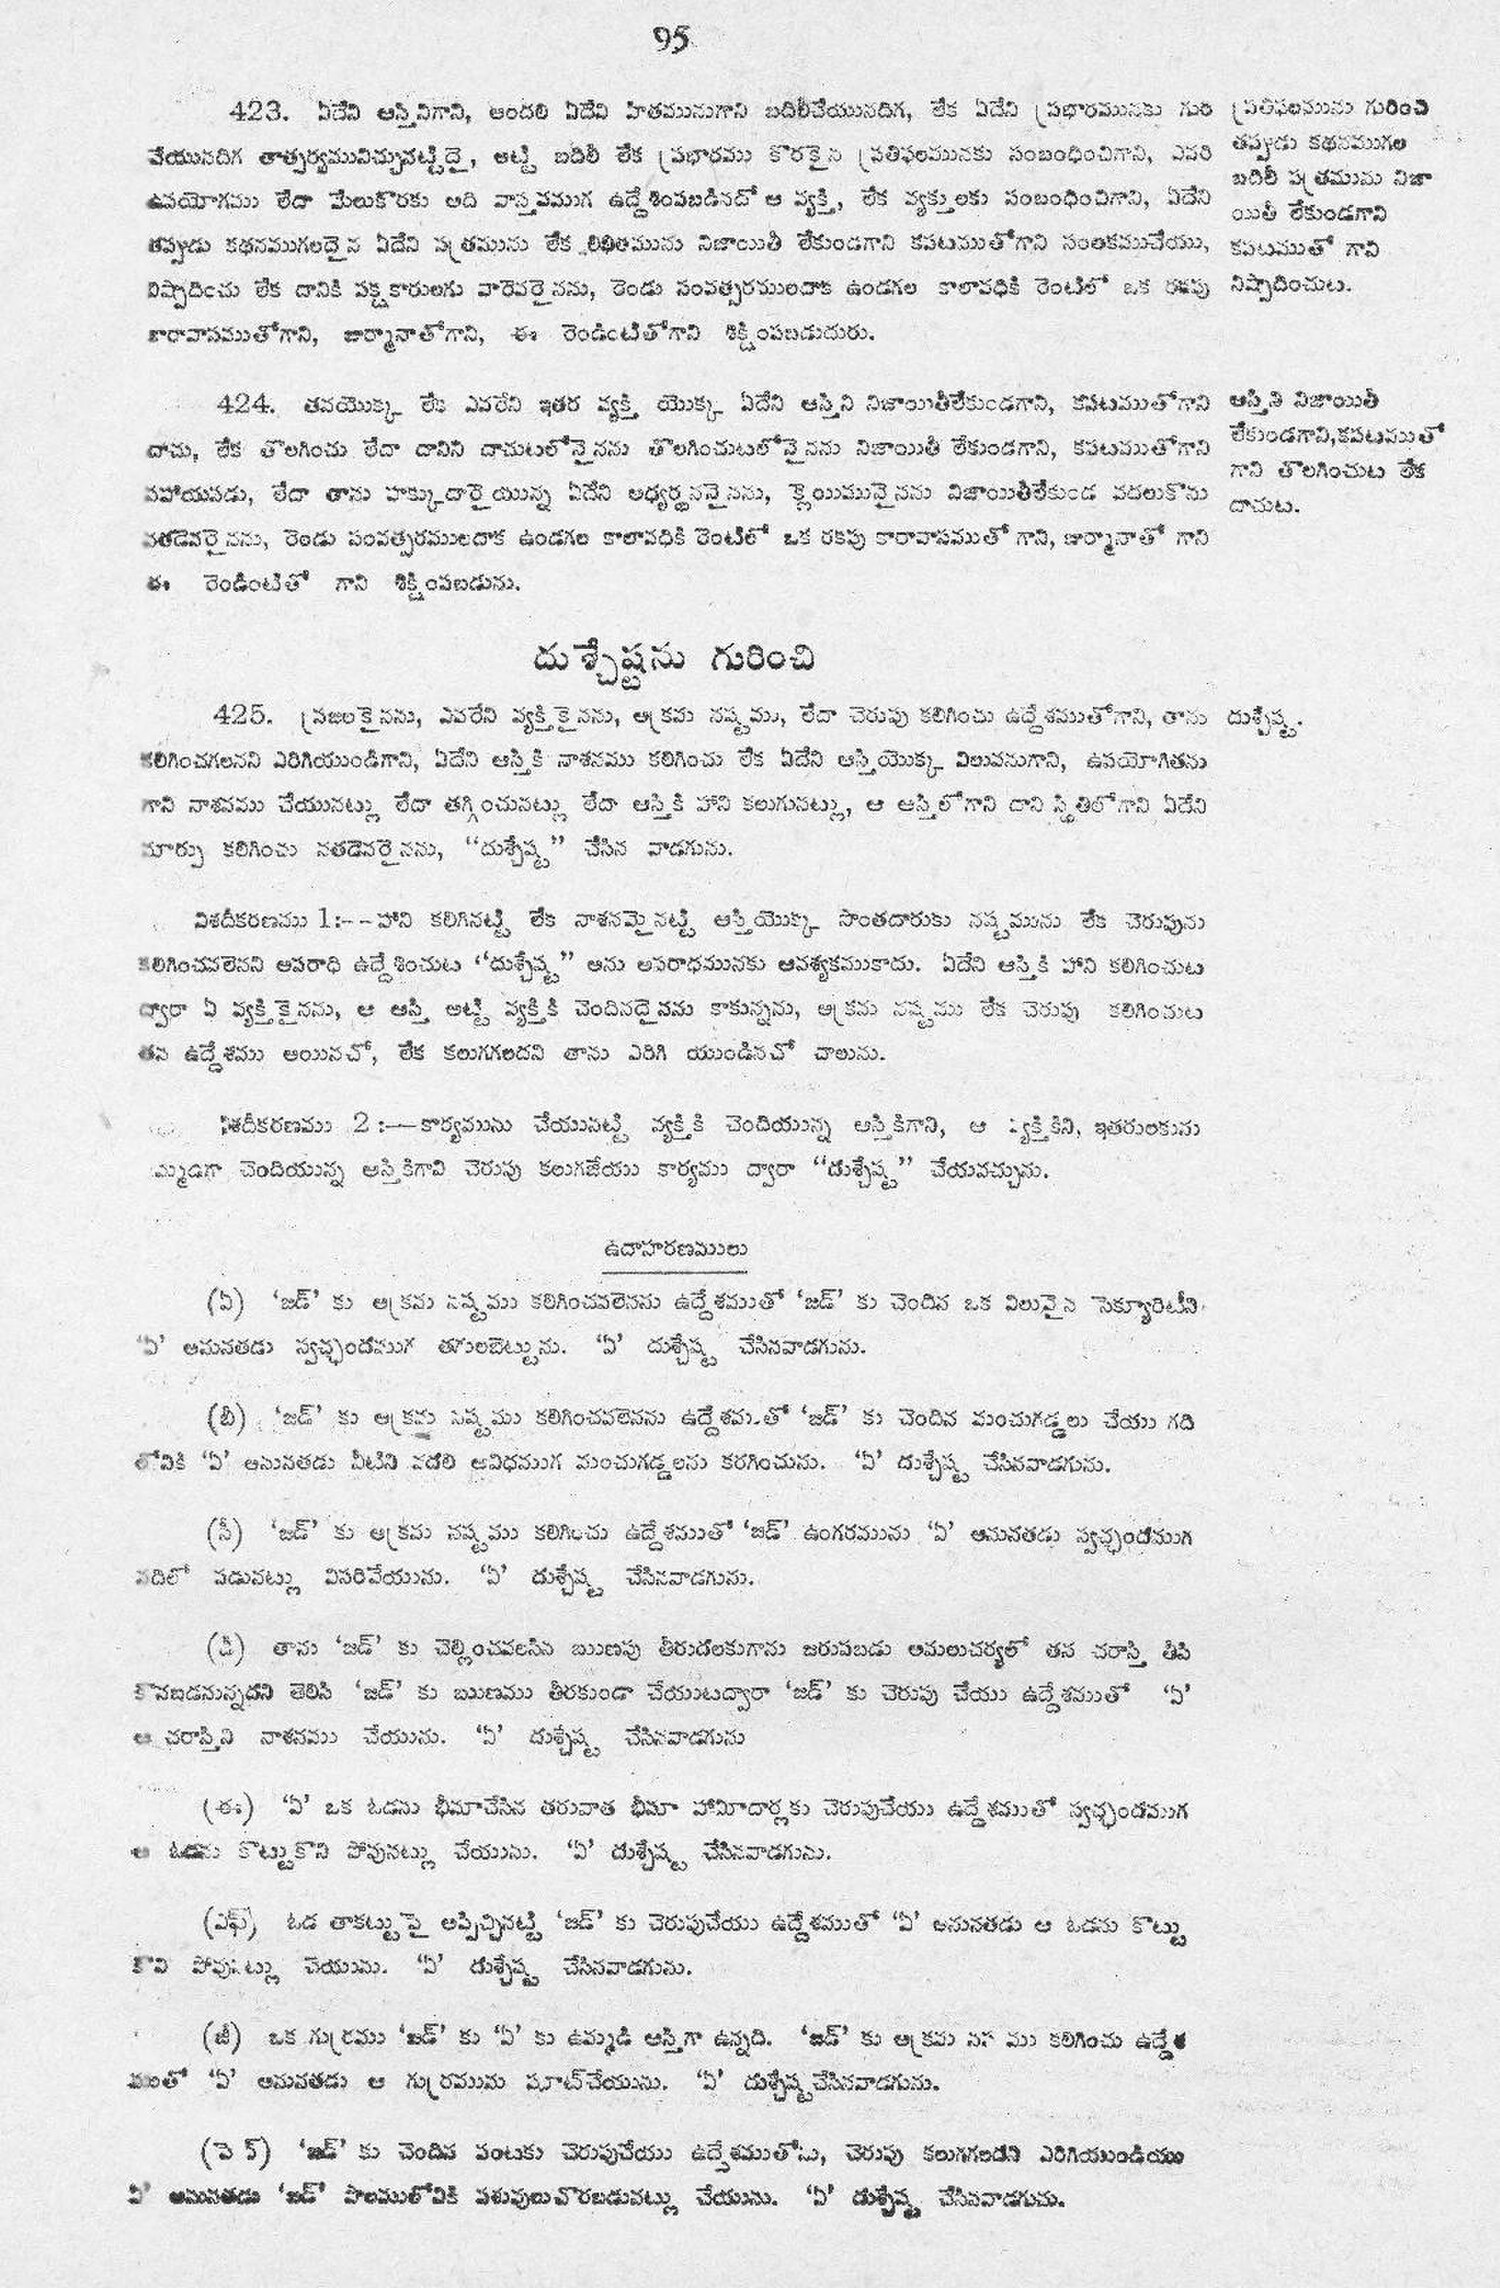ప్రతిఫలమును గురించి తప్పుడు కథనముగల బదిలీపత్రమును నిజాయితీ లేకుండగాని కపటముతో గాని నిష్పాదించుట.

423. ఏదేని ఆస్తి నిగాని, అందలి ఏదేని హితమునుగాని బదిలీచేయునదిగ, లేక ఏదేని ప్రభాతమునకు గురి చేయునదిగ తాత్పర్యము నిచ్చునట్టిదై, అట్టి బదిలీ లేక ప్రభారము కొరకైన ప్రతిఫలమునకు సంబంధించిగాని, ఎవరి ఉపయోగము లేదా మేలుకొరకు అదివాస్తవముగ ఉద్దే శింపబడినదో ఆ వ్యక్తి, లేక వ్యక్తులకు సంబంధించిగాని, ఏదేని తప్పుడు కథనముగలదైన ఏదేని పత్రమును లేక లిఖితమును నిజాయితీ లేకుండగాని కపటముతోగాని సంతకముచేయు, విష్పాదించు లేక దానికి పక్ష కారులగు వారెవరైనను, రెండు సంవత్సరములదాక ఉండగల కాలావధికి రెంటిలో ఒక రకపు కారావాసముతోగాని, జుర్మానాతోగాని, ఈ రెండింటితోగాని శిక్షింపబడుదురు.

ఆస్తి ని నిజాయితీ లేకుండగాని, కపటముతో గాని తొలగించుట లేక దాచుట.

424. తనయొక్క లేక ఎనలేని ఇతర వ్యక్తి యొక్క ఏదేనీ ఆస్తిని నిజాయితీలేకుండగాని, కపటముతోగాని దాచు, లేక తొలగించు లేదా దానిని చాచుటలోనైనను తొలగించుటలోనై నను నిజాయితి లేకుండగాని, కపటముతోగాని సహాయపడు, లేదా తాను హక్కుదారై యున్న ఏదేని అభ్యర్థననైనను, క్లెయిమునైనను నిజాయితీలేకుండ వదలుకొను నతడెవరైనను, రెండు సంవత్సరముల గాక ఉండగల కాలావధికి రెంటిలో ఒక రకపు కారావాసముతో గాని, జుర్మానాతో గాని రెండింటితో గాని శిక్షింపబడును,

దుశ్చేష్ట

425. ప్రజల కైనను, ఎవరేని వ్యక్తి కై నసు, అక్రమ నష్టము, లేదా చెరుపు కలిగించు ఉద్దేశముతో గాని, తాను కలిగించగలనని ఎరిగియుండిగాని, ఏదేని ఆస్తికి నాశనము కలిగించు లేక ఏదేని ఆస్తి యొక్క విలువనుగాని, ఉపయోగితను గాని నాశనము చేయునట్లు లేదా తగ్గించునట్లు లేదా ఆస్తి కి హాని కలుగునట్లు, ఆ ఆస్తిలో గాని దాని స్థితిలో గాని ఏదేని మార్పు కలిగించు నతడెవరైనను, “దుశ్చేష్ట" చేసిన వాడగును.

విశదీకరణము 1:-- -- హాని కలిగినట్టి లేక నాశనమైనట్టి ఆస్తి యొక్క సొంతదారుకు నష్టమును లేక చెరుపును కలిగించవలెనని అపరాధి ఉద్దేశించుట “దుశ్చేష్ట " అను అపరాధమునకు ఆవశ్యకముకాదు. ఏదేని ఆస్తికి హాని కలిగించుట ద్వారా ఏ వ్యక్తి కైనను, ఆ ఆస్తి అట్టి వ్యక్తి కి చెందినదై నను కాకున్నను, అక్రమ నష్టము లేక చెరుపు కలిగించుట తన ఉద్దేశము అయినచో, లేక కలుగగలదని తాను ఎరిగి యుండినచో చాలును.

విశదీకరణము 2 :-- కార్యమును చేయునట్టి వ్యక్తికి చెందియున్న ఆస్తి కిగాని, ఆ వ్యక్తి కిని, ఇతరులకును ఉమ్మడిగా చెందియున్న ఆస్తి కిగాని చెరుపు కలుగజేయు కార్యము ద్వారా “దుశ్చేష్ట" చేయవచ్చును.

(ఏ) 'జడ్' కు అక్రమ నష్టము కలిగించవలెనను ఉద్దేశముతో 'జడ్' కు చెందిన ఒక విలువైన సెక్యూరిటీని 'ఏ' అనునతడు స్వచ్ఛందముగ తగులబెట్టును. 'ఏ' దుశ్చేష్ట చేసినవాడగును.

(బీ) 'జడ్' కు ఆక్రమ నష్టము కలిగించవలెనను ఉద్దేశముతో 'జడ్' కు చెందిన మంచుగడ్డలు చేయు గది లోనికి 'ఏ' అనునతడు వీటిని వదలి ఆవిధముగ మంచుగడ్డలను కరిగించును. 'ఏ' దుశ్చేష్ట చేసిన వాడగును.

(సీ) 'జడ్' కు ఆక్రము నష్టము కలిగించు ఉద్దేశముతో 'జడ్' ఉంగరమును 'ఏ' అనునతడు స్వచ్ఛందముగ నదిలో పడునట్లు
విసరివేయును. 'ఏ' దుశ్చేష్ట చేసినవాడగును.

(డీ) తాను 'జడ్' కు చెల్లించవలసిన ఋణపు తీరుదలకుగాను జరుపబడు అమలు చర్యలో తన చరాస్తి తీసికొనబడనున్నదని తెలిసి 'జడ్' కు ఋణము తీరకుండా చేయుటద్వారా 'జడ్' కు చెరుపు చేయు ఉద్దేశముతో 'ఏ' ఆ చరాస్తిని నాశనము చేయును. 'ఏ' దుశ్చేష్ట చేసిన వాడగును.

(ఈ) ఏ' ఒక ఓడను భీమా చేసిన తరువాత భీమా హామీదార్లకు చెరుపుచేయు ఉద్దేశముతో స్వచ్ఛందముగ ఆ ఓడను కొట్టుకొని పోవునట్లు చేయును. 'ఏ' దుశ్చేష్ట చేసినవాడగును.

(ఎఫ్) ఓడ తాకట్టు పై అప్పిచ్చినట్టి 'జడ్' కు చెరుపుచేయు ఉద్దేశముతో 'ఏ' అనునతడు ఆ ఓడను కొట్టుకొని పోవునట్లు చేయును.'ఏ' దుశ్చేష్ట చేసినవాడగును.

(జీ) ఒక గుర్రము 'జడ్' కు 'ఏ' కు ఉమ్మడి ఆస్తిగా ఉన్నది. 'జడ్' కు ఆక్రమ నష్టము కలిగించు ఉద్దేశముతో 'ఏ' అనునతడు ఆ గుర్రముమ షూట్ చేయును. 'ఏ' దుశ్చేష్ట చేసినవాడగును.

(హెచ్) 'జడ్' కు చెందిన వంటకు చెరుపుచేయు ఉద్దేశముతోను, చెరుపు కలుగగలడని ఎరిగియుండియు 'ఏ' అనునతడు 'జడ్' పొలములోనికి పశువులు చొరబడునట్లు చేయును. 'ఏ' దుశ్చేష్ట చేసిన వాడగును.